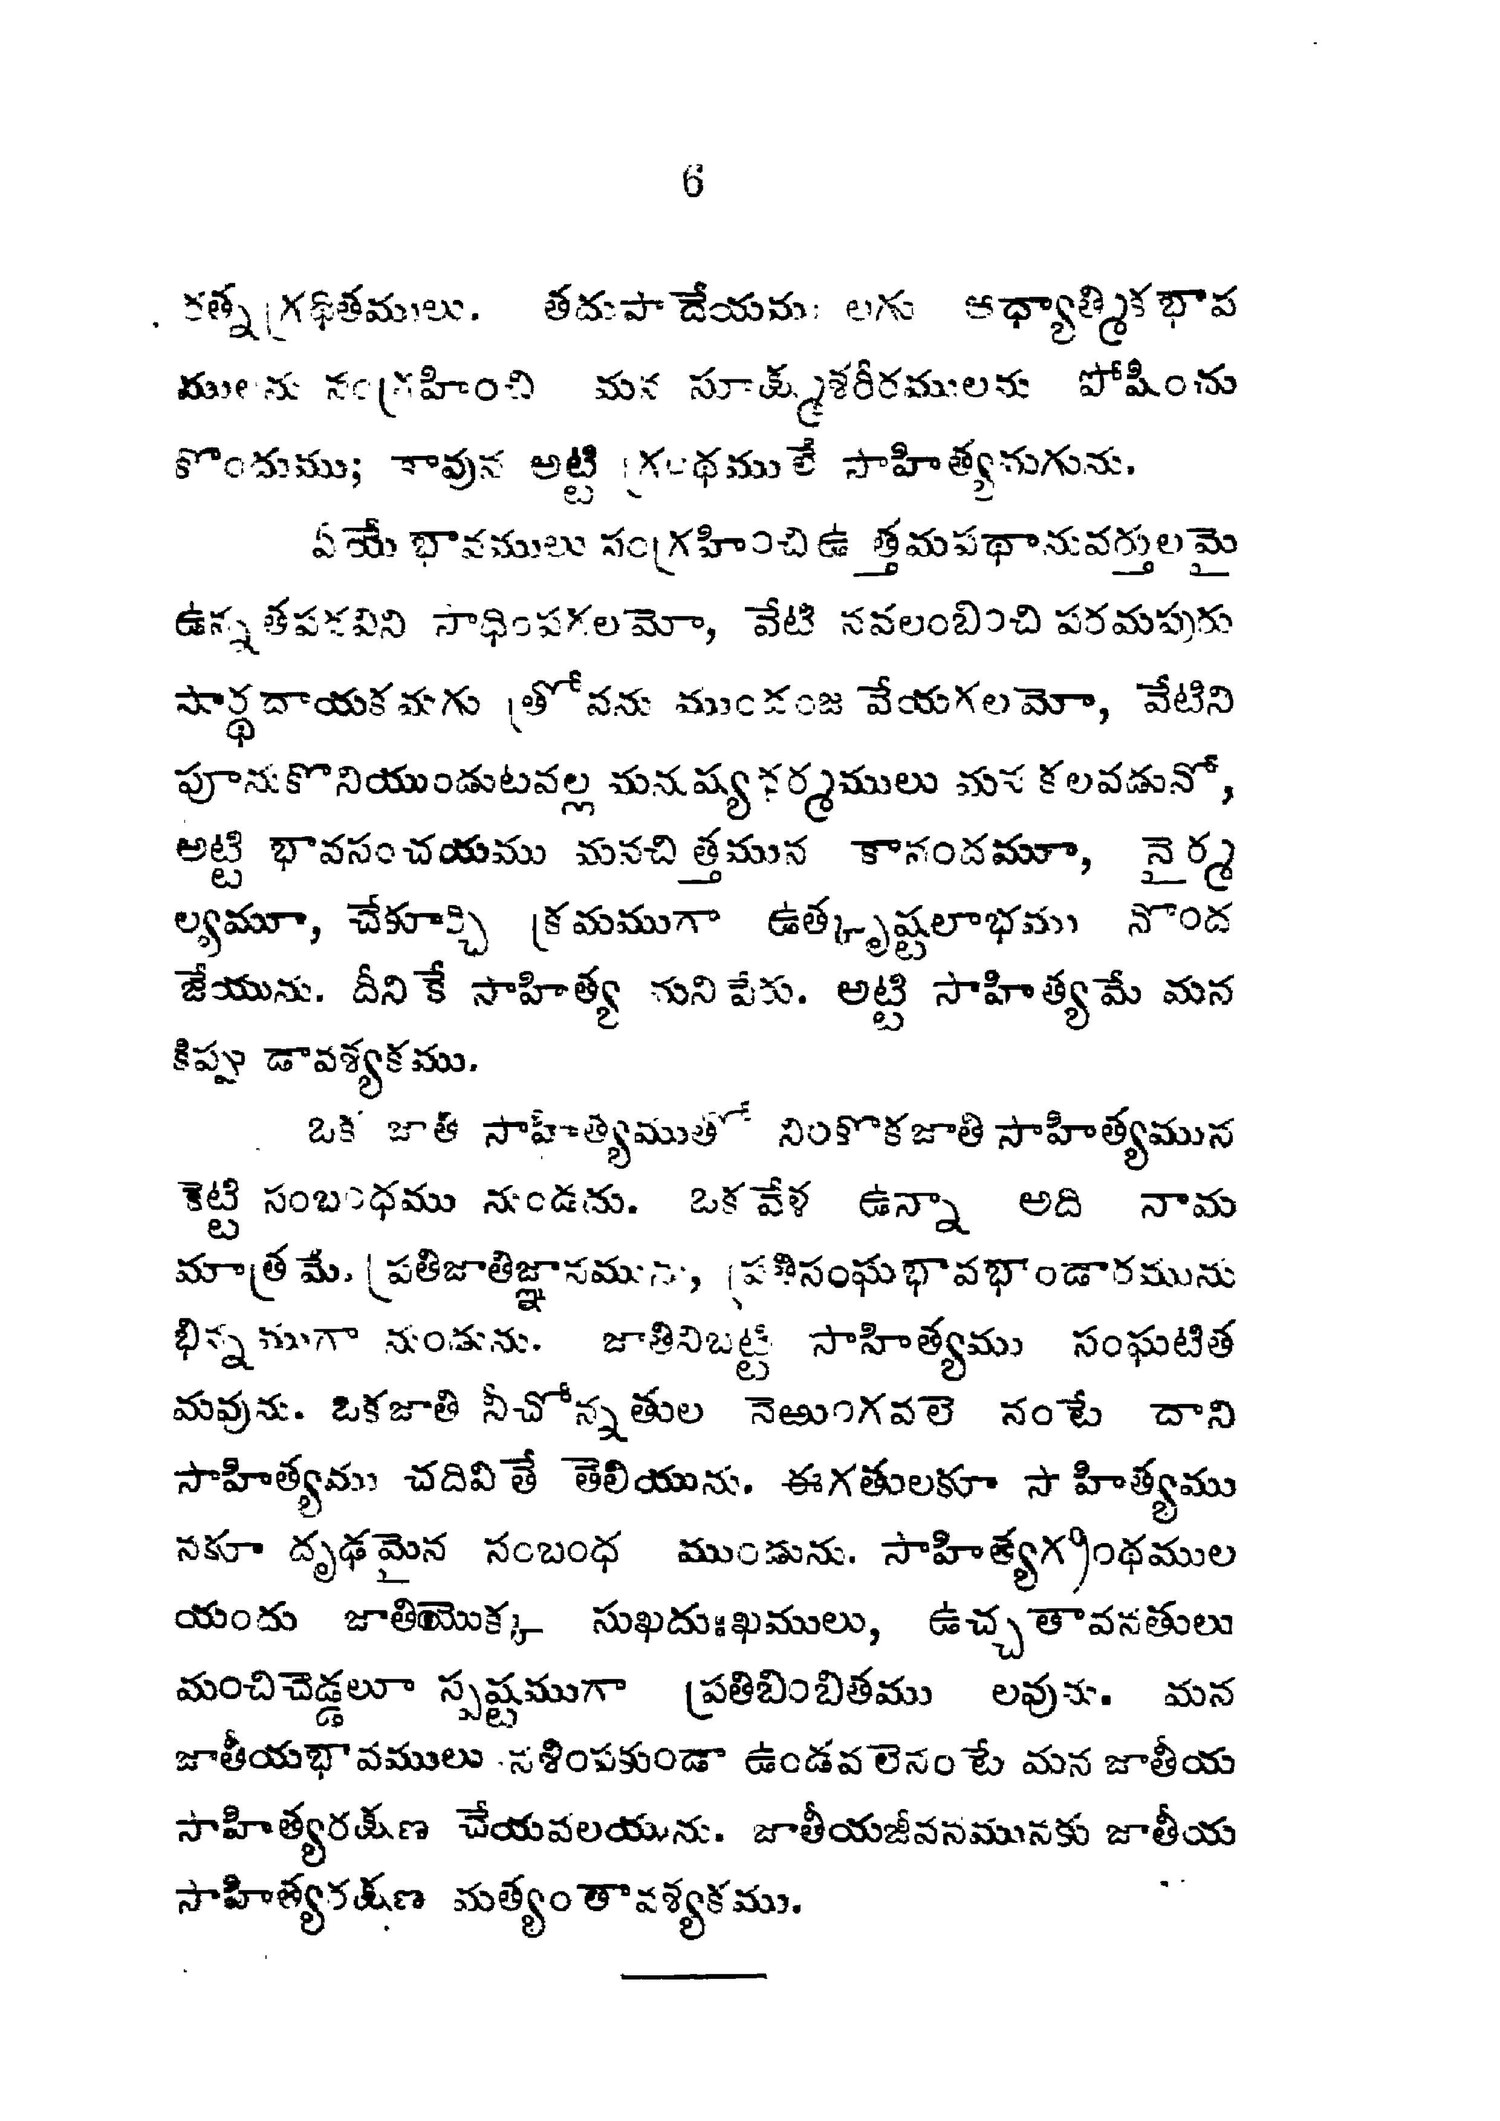రత్నగ్రథితములు. తదుపాదేయములగు ఆధ్యాత్మికభావములను సంగ్రహించి మన సూక్ష్మశరీరములను పోషించు కొందుము; కావున అట్టి గ్రంథములే సాహిత్యమగును.

ఏయే భావములు సంగ్రహించి ఉత్తమపథానువర్తులమై ఉన్నతపదవిని సాధింపగలమో, వేటి నవలంబించి పరమపురుషార్థదాయకమగు త్రోవను ముందంజ వేయగలమో, వేటిని పూనుకొనియుండుటవల్ల మనుష్యధర్మములు మన కలవడునో, అట్టి భావసంచయము మనచిత్తమున కానందమూ, నైర్మల్యమూ, చేకూర్చి క్రమముగా ఉత్కృష్టలాభము నొందజేయును. దీనికే సాహిత్య మనిపేరు. అట్టి సాహిత్యమే మన కిప్పు డావశ్యకము.

ఒక జాతి సాహిత్యముతో నింకొకజాతి సాహిత్యమున కెట్టి సంబంధము నుండదు. ఒకవేళ ఉన్నా అది నామమాత్రమే. ప్రతిజాతిజ్ఞానమును, ప్రతిసంఘభావభాండారమును భిన్నముగా నుండును. జాతినిబట్టి సాహిత్యము సంఘటిత మవును. ఒకజాతి నీచోన్నతుల నెఱుంగవలె నంటే దాని సాహిత్యము చదివితే తెలియును. ఈగతులకూ సాహిత్యమునకూ దృఢమైన సంబంధ ముండును. సాహిత్యగ్రంథముల యందు జాతియొక్క సుఖదు:ఖములు, ఉచ్చతావనతులు మంచిచెడ్డలూ స్పష్టముగా ప్రతిబింబితము లవును. మన జాతీయభావములు నశింపకుండా ఉండవలెనంటే మన జాతీయ సాహిత్యరక్షణ చేయవలయును. జాతీయజీవనమునకు జాతీయ సాహిత్యరక్షణ మత్యంతావశ్యకము.